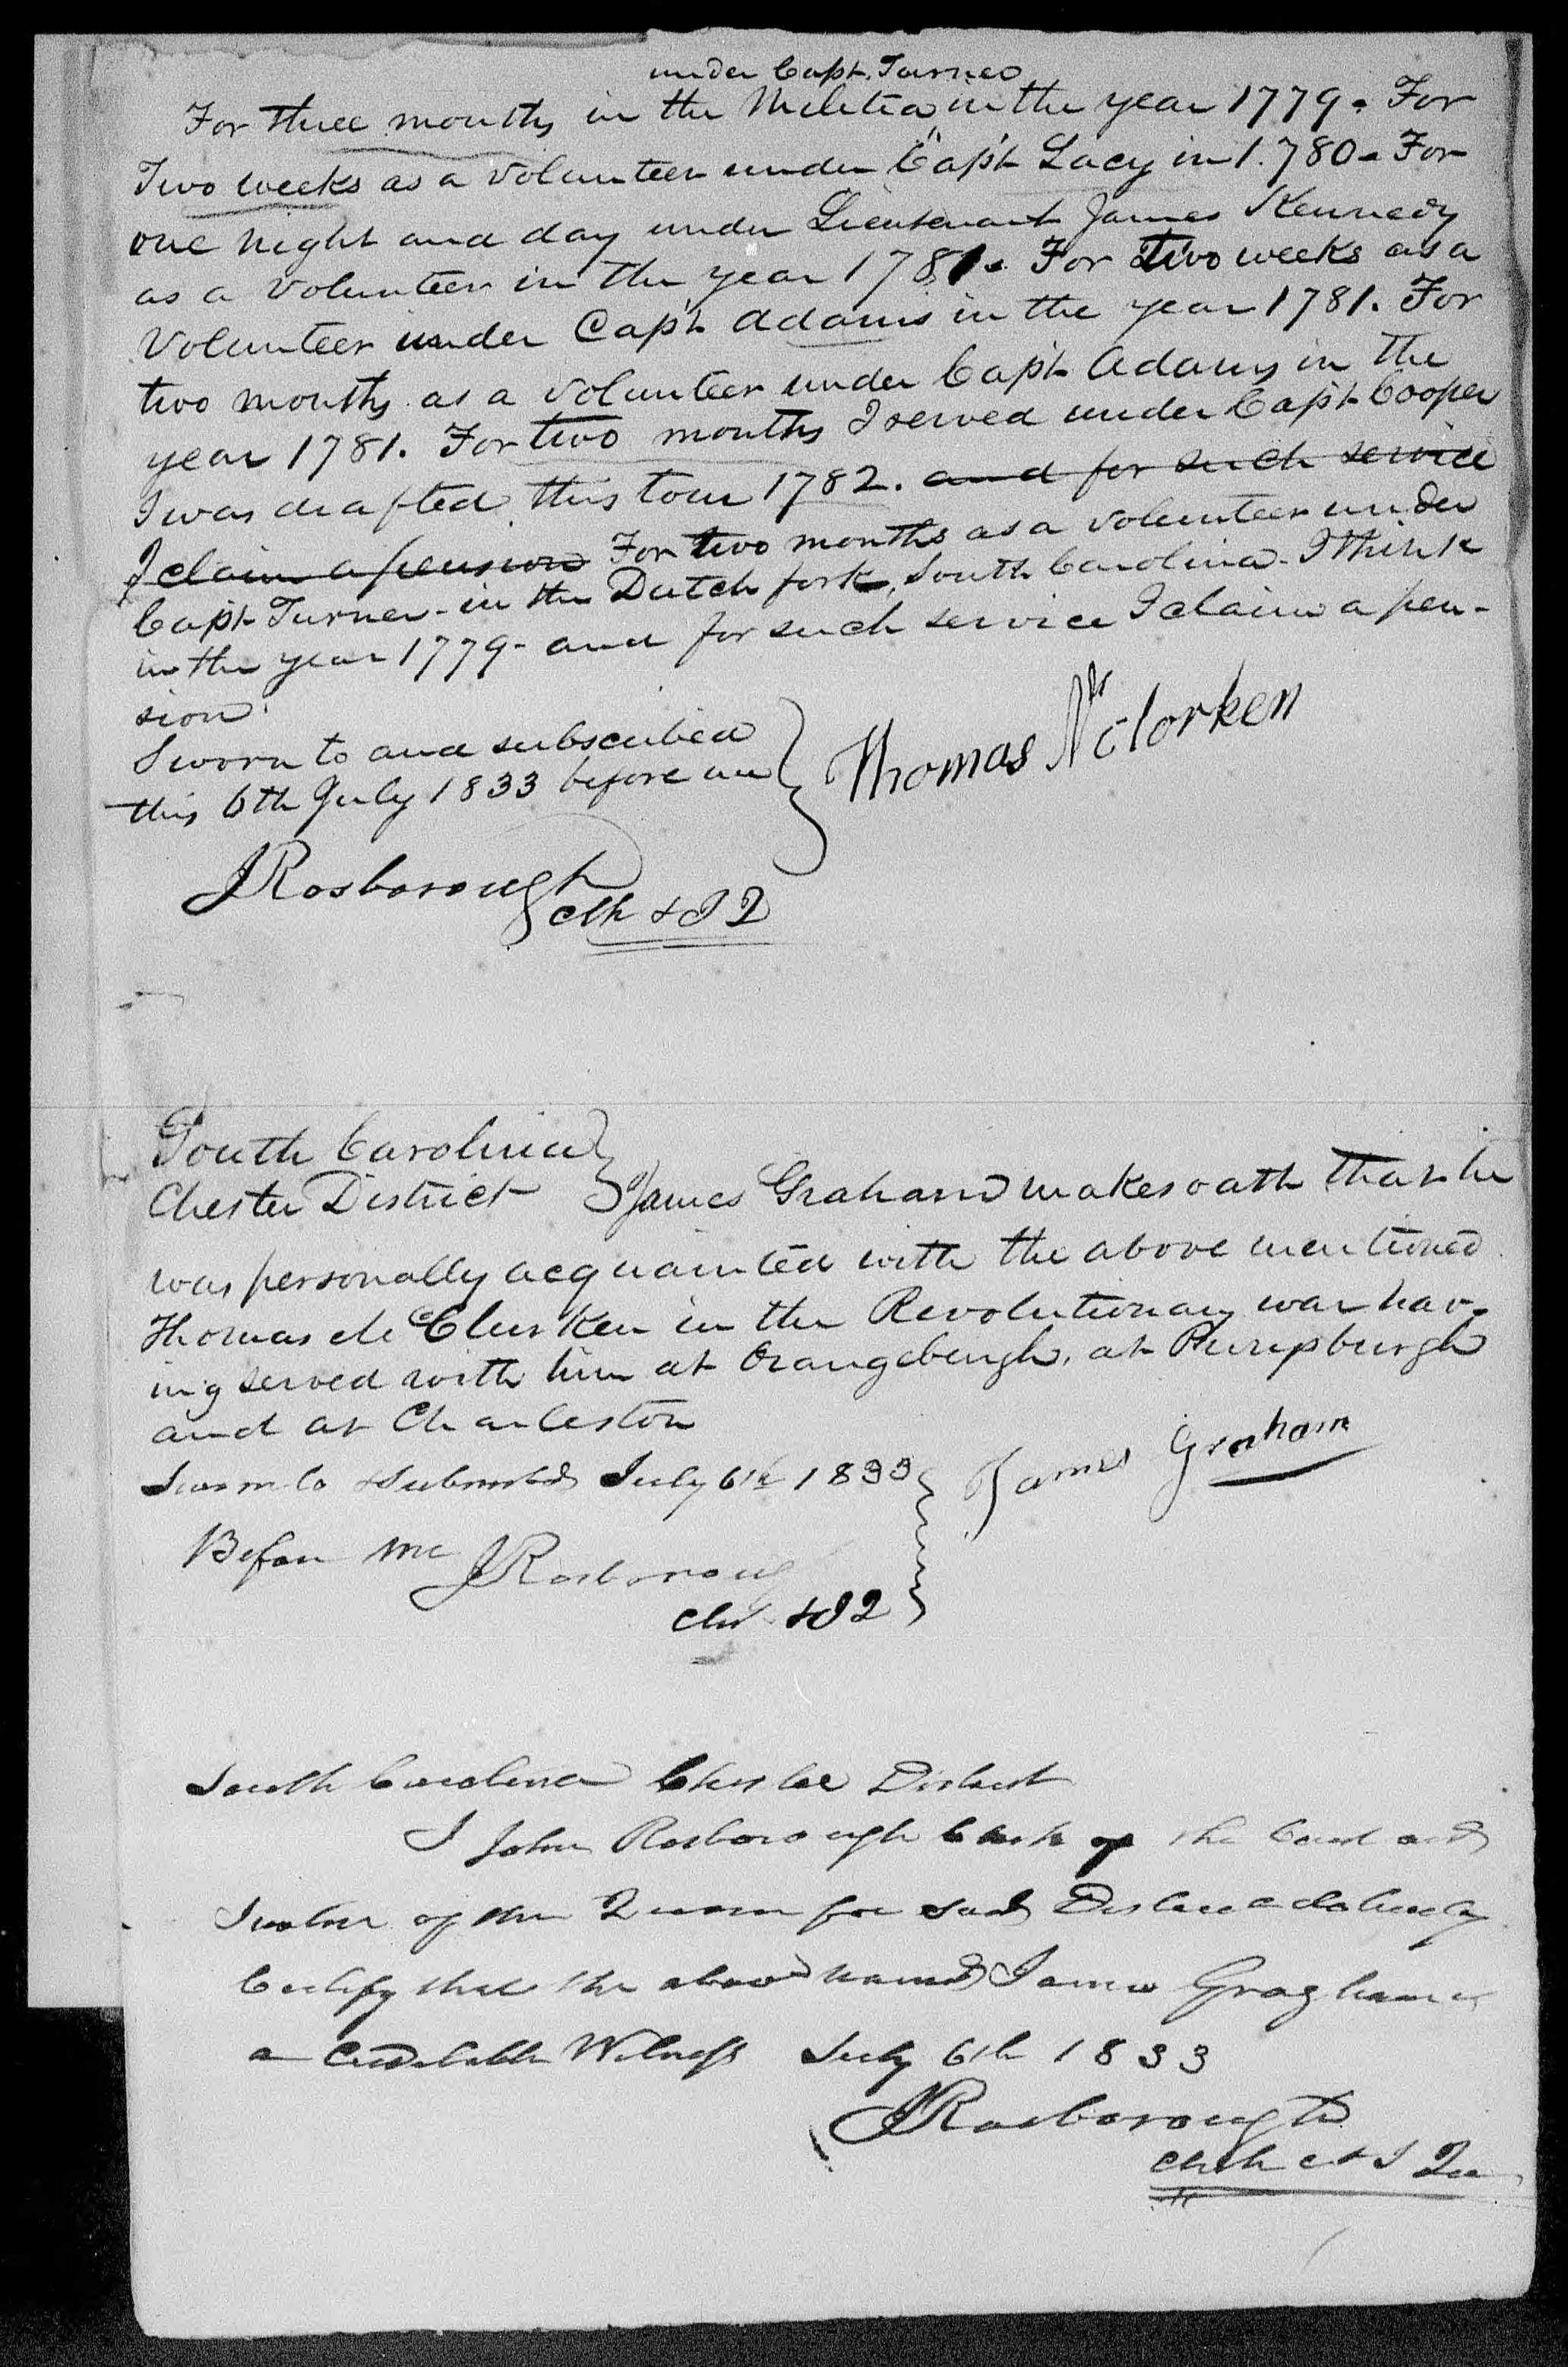For three months in the Militia under Capt. Turner in the year 1779. for Two weeks as a volunteer under Capt Lacy in 1780. For one night and day under Lieutenant James Kennedy as a volunteer in the year 1781. For two weeks as a volunteer under Capt Adams in the year 1781. For two months as a volunteer under Capt Adams in the year 1781. For two months I served under Capt Cooper was drafted this tour 1782, 
For two months as a volunteer under Capt Turner in the Dutch fork, South Carolina. I think in the year 1779 and for such service I claim a pension.

Thomas McClurken 

Sworn to and subscribed} 
this 6th July 1833 before me} 
JRosborough clk & JL 


South Carolina ⎬
Chester District}  
James Graham makes oath that he was personally acquainted with the above mentioned Thomas McClurken in the Revolutionary war 
having served with him at Orangeburgh, at Philipsburgh and at Charleston 

James Graham

Sworn to & subscribed  July 6th 1833}   
Before me} 
JRosborough clk & JL}

 South Carolina Chester Direct 
I John Rosborough Clerk of the Court and Justice  of the [unintelligible] for said District do Certify that the above named James Graham is a credible Witness July 6th 1833 
JRosborough clerk & JL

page: 16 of 93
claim: widow's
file: W. 21792, for Thomas Mc Clurken, South Carolina